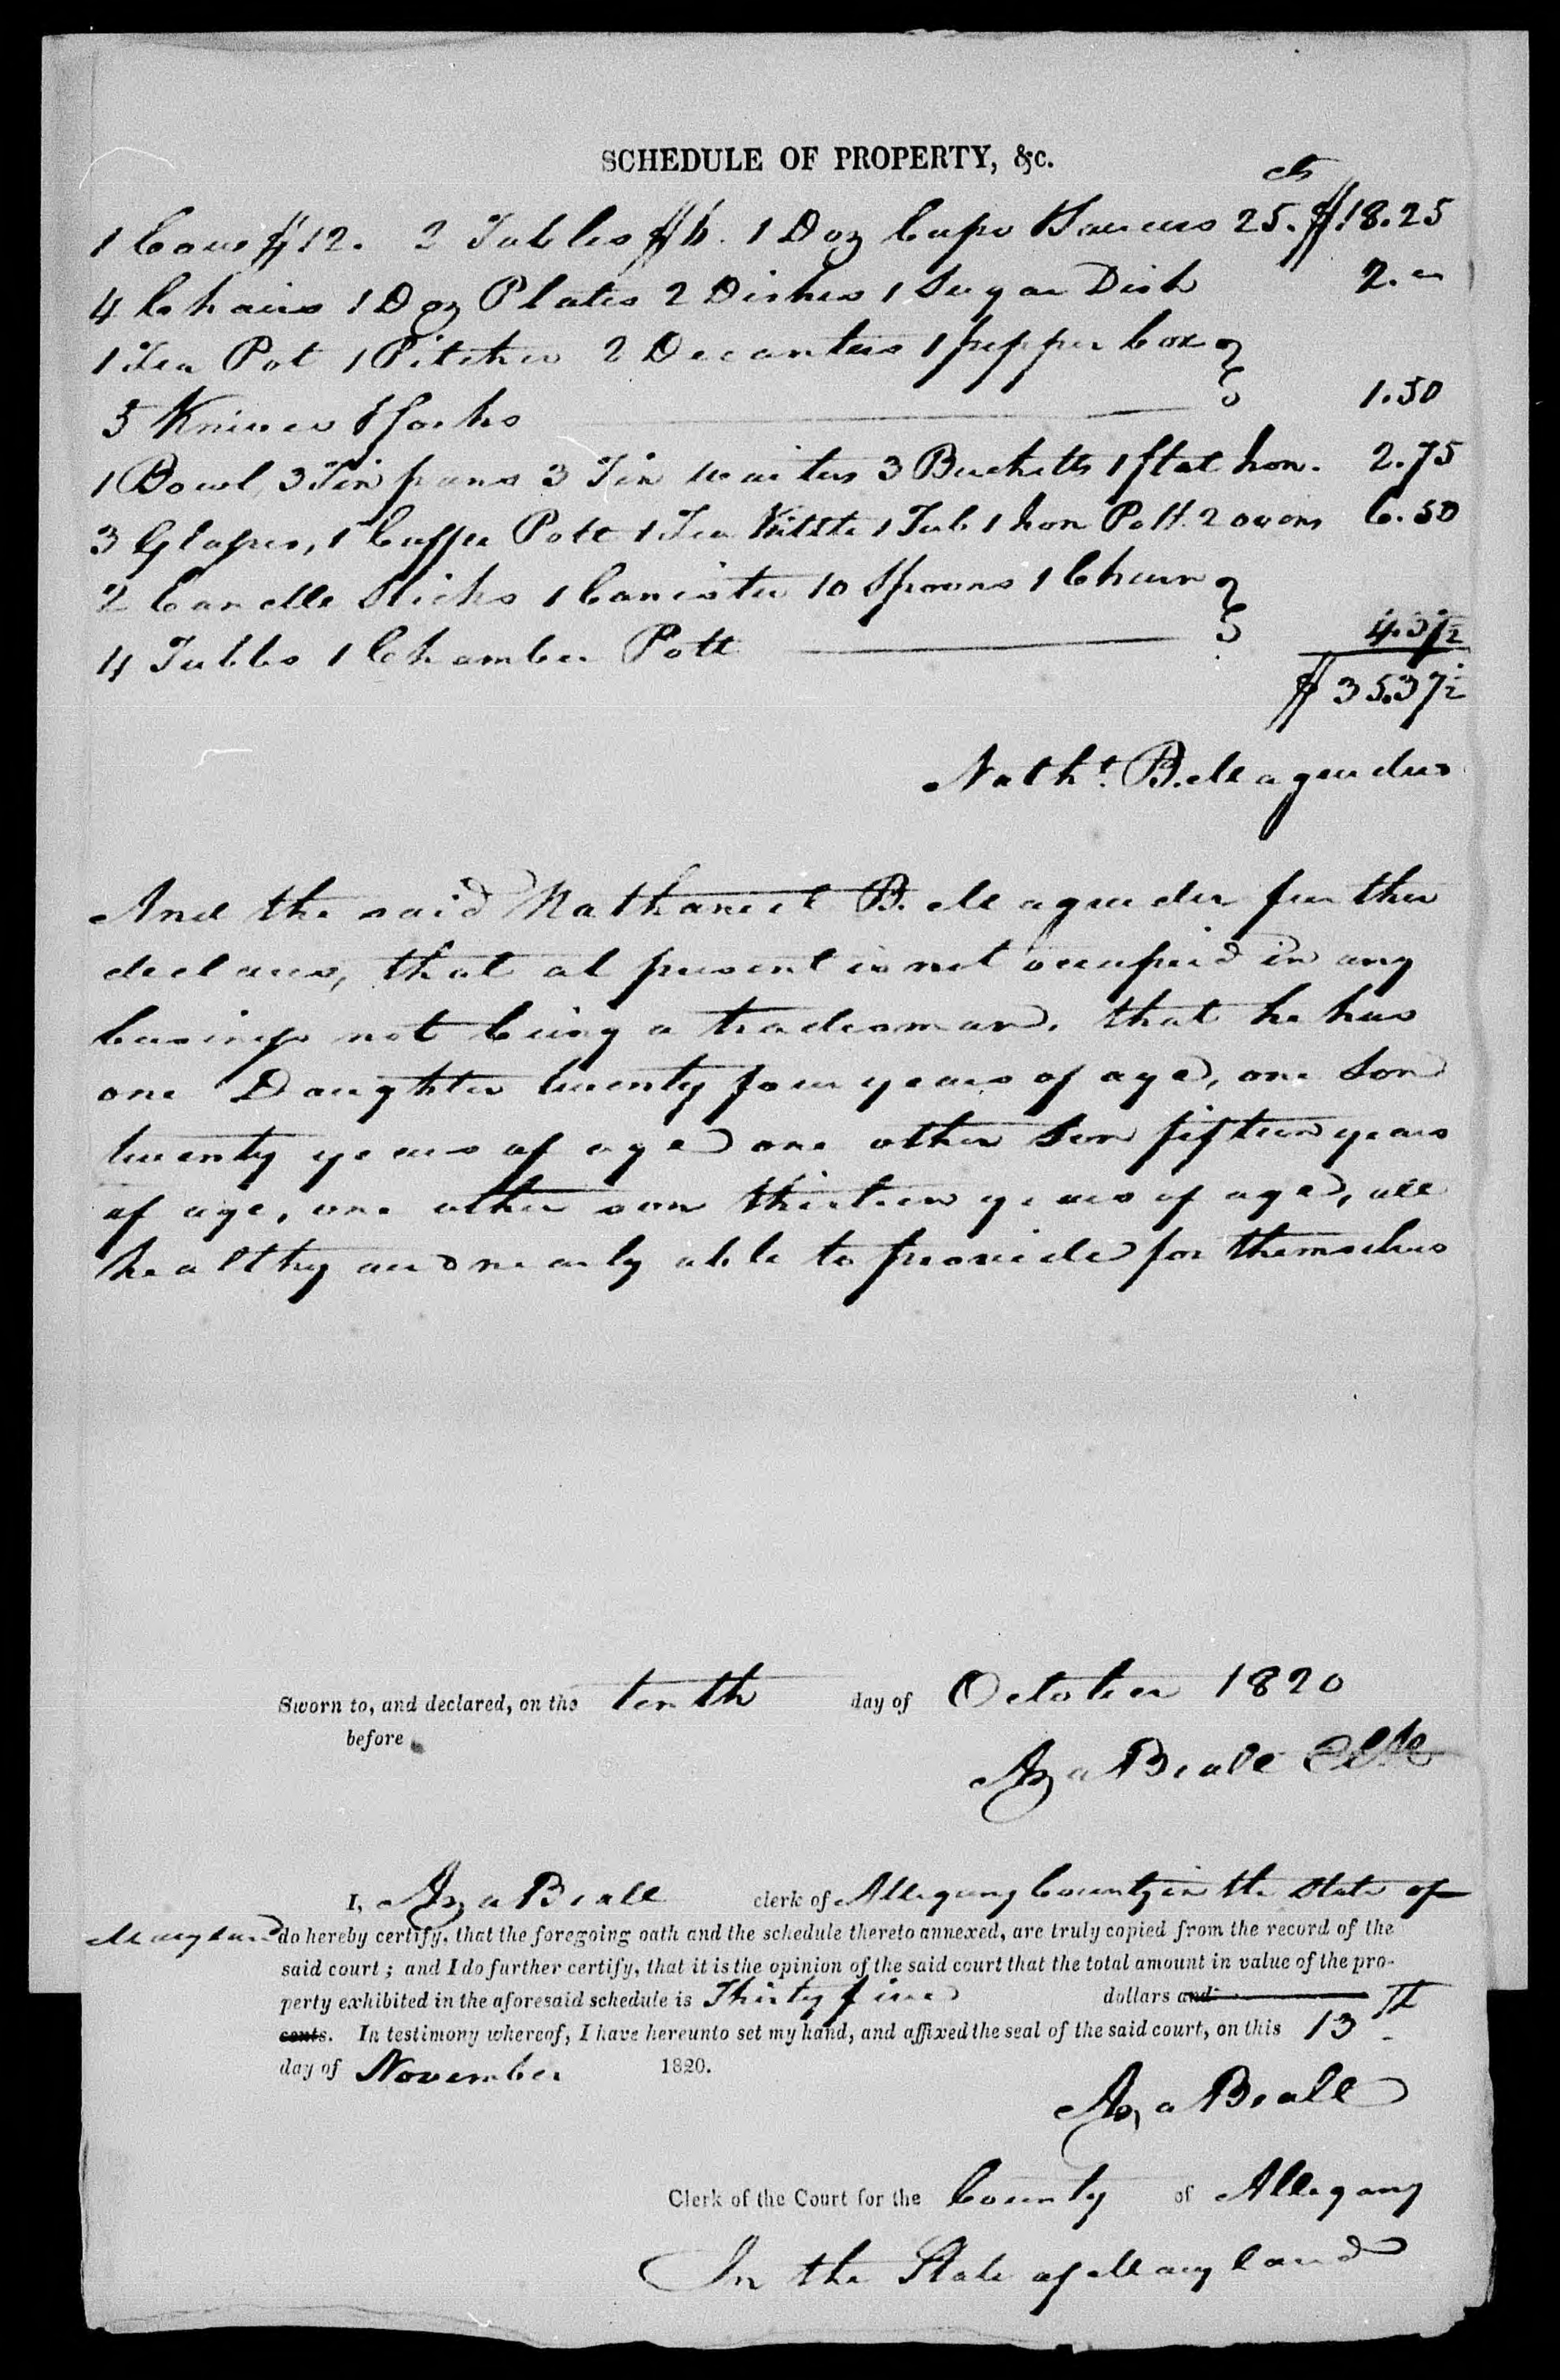SCHEDULE OF PROPERTY, &c.
1 Cow $12. 
2 Tables $6 1 Doz Cups Saucers 25 cts   $18.25
4 Chairs 1 Doz Plates 2 Dishes 1 Sugar Dish 2.00
1 Tea Pot 1 Pitcher 2 Decanters 1 pepper box)
5 Knives & forks                                       ) 1.50
1 Bowl 3 tin pans 3 tin waiters 3 Buckets
      1 flat hon.                                             2.75
3 Glasses, 1 Coffee Pott & Tea Kettle,
    Tub, Iron Pott, 2 ovens?                         6.50
2 candle sticks 1 canister 10 Spoons)
1 Churn 4 Tubbs 1 Chamber Pott     )      4.3/2
                                                               $35.3/2
Nath. B Magruder

And the said Nathaniel B Magruder further declares, that at present is not occupied in any business not being a tradesman, that he has one Daughter twenty four years of age, one Son twenty years of age one other Son fifteen years of age, one other son thirteen years of age, all health and mainly able to provide for themselves.      

Sworn to, and declared on this tenth day of October 1820 before
Aza Beale  Clk

I, Aza Beale clerk of Allegany County in the State of Maryland do hereby certify, that the foregoing oath and the schedule thereto annexed, are truly copied from the record of the said court, and I do further certify, that it is the opinion of the said court that the total amount in value of the property exhibited in the aforesaid schedule is Thirty five dollars. In testimony whereof, I have hereunto set my hand, and affixed the seal of the said court, on this 13th day of November 1820.

Aza Beale
Clerk of the Court for the County of Allegany
In the State of Maryland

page: 9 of 13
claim: survivor's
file: S. 34973, for Nathaniel Beale Magruder, Maryland